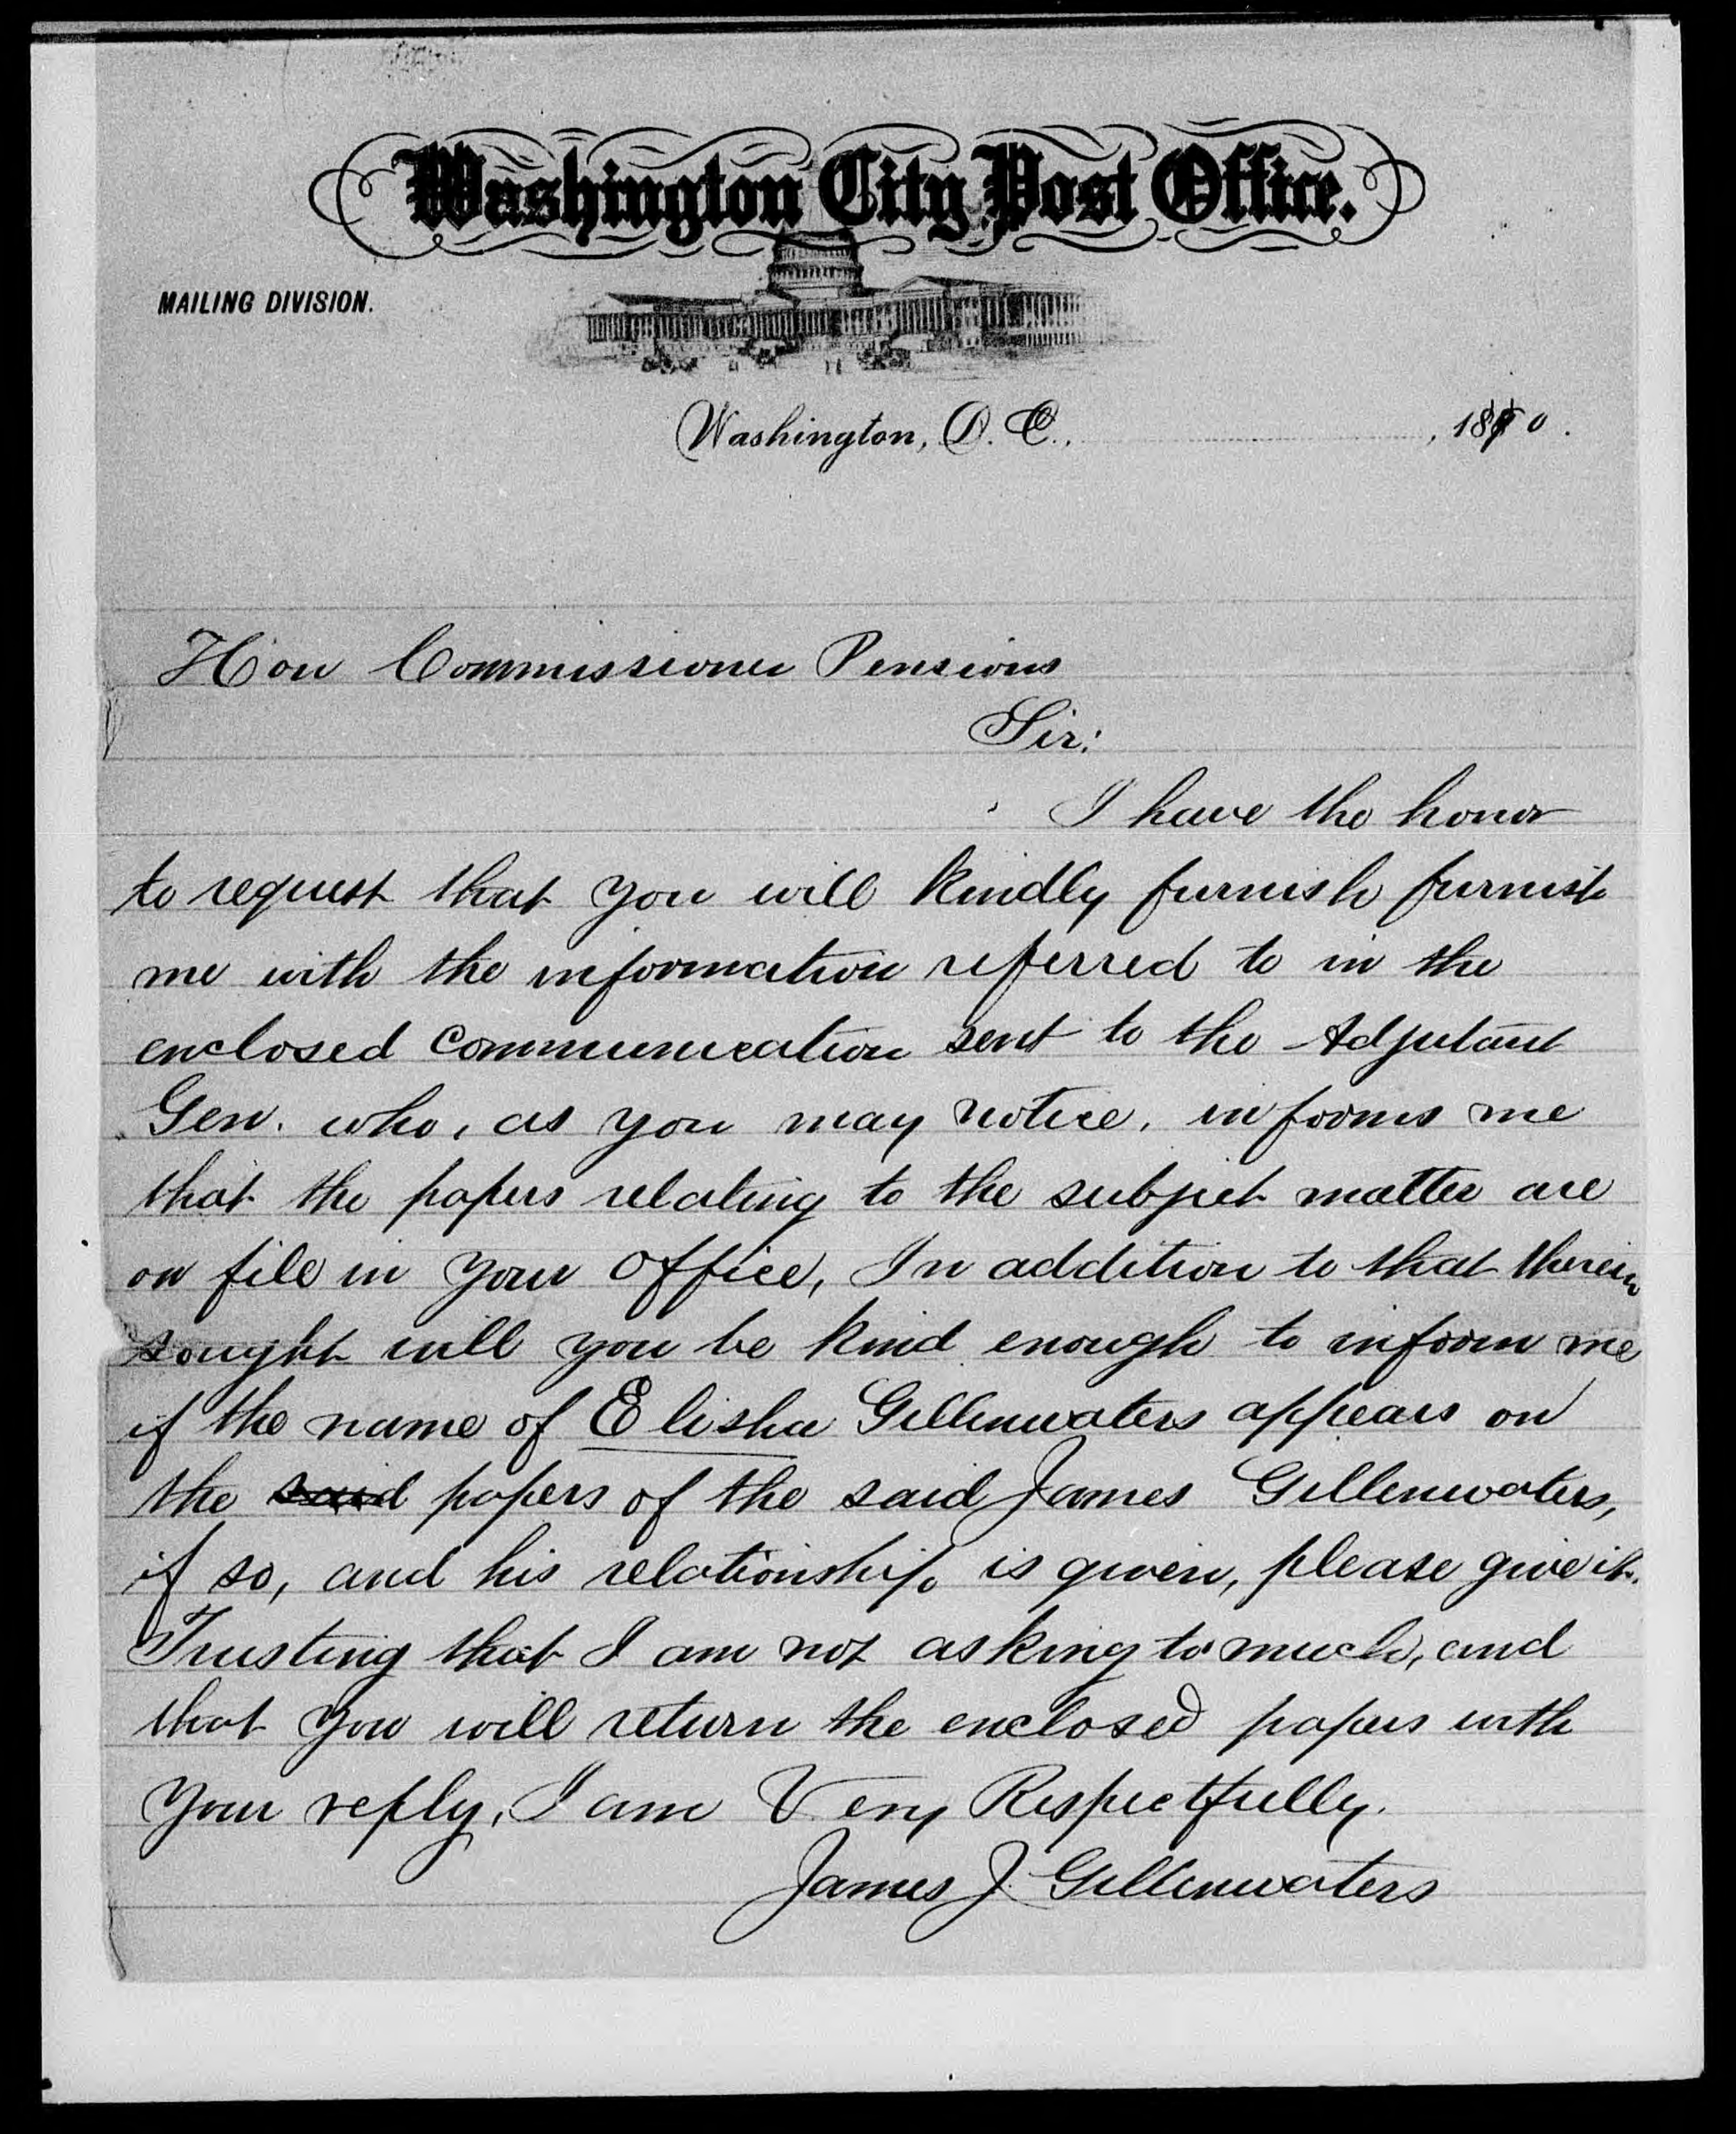Washington City Post Office.
MAILING DIVISION

Washington D.C., 1890

Hon Commissioner Pensions
Sir:
I have the honor to request that you will kindly furnish furnish me with the information referred to in the enclosed ? sent to the Adjutant Gen. who, as you may notice, informs me that the paper relating to the subject matter are on file in your office. In addition to that ? ? will you be kind enough to inform me if the name of Elisha [underlined] Gillingwaters appears on the [crossed out. "said"] papers of the said James Gillingwaters, if so, and his relationship is given, please give if Trusting that I am not asking too much and that you will return the enclosed papers with your reply. I am Very Respectfully, James J. Gillingwaters.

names: James Gillingwater, James J Gillingwater, Elisha Gillingwater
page: 29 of 36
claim: survivor's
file: S. 39570, James Gillingwater, Va.